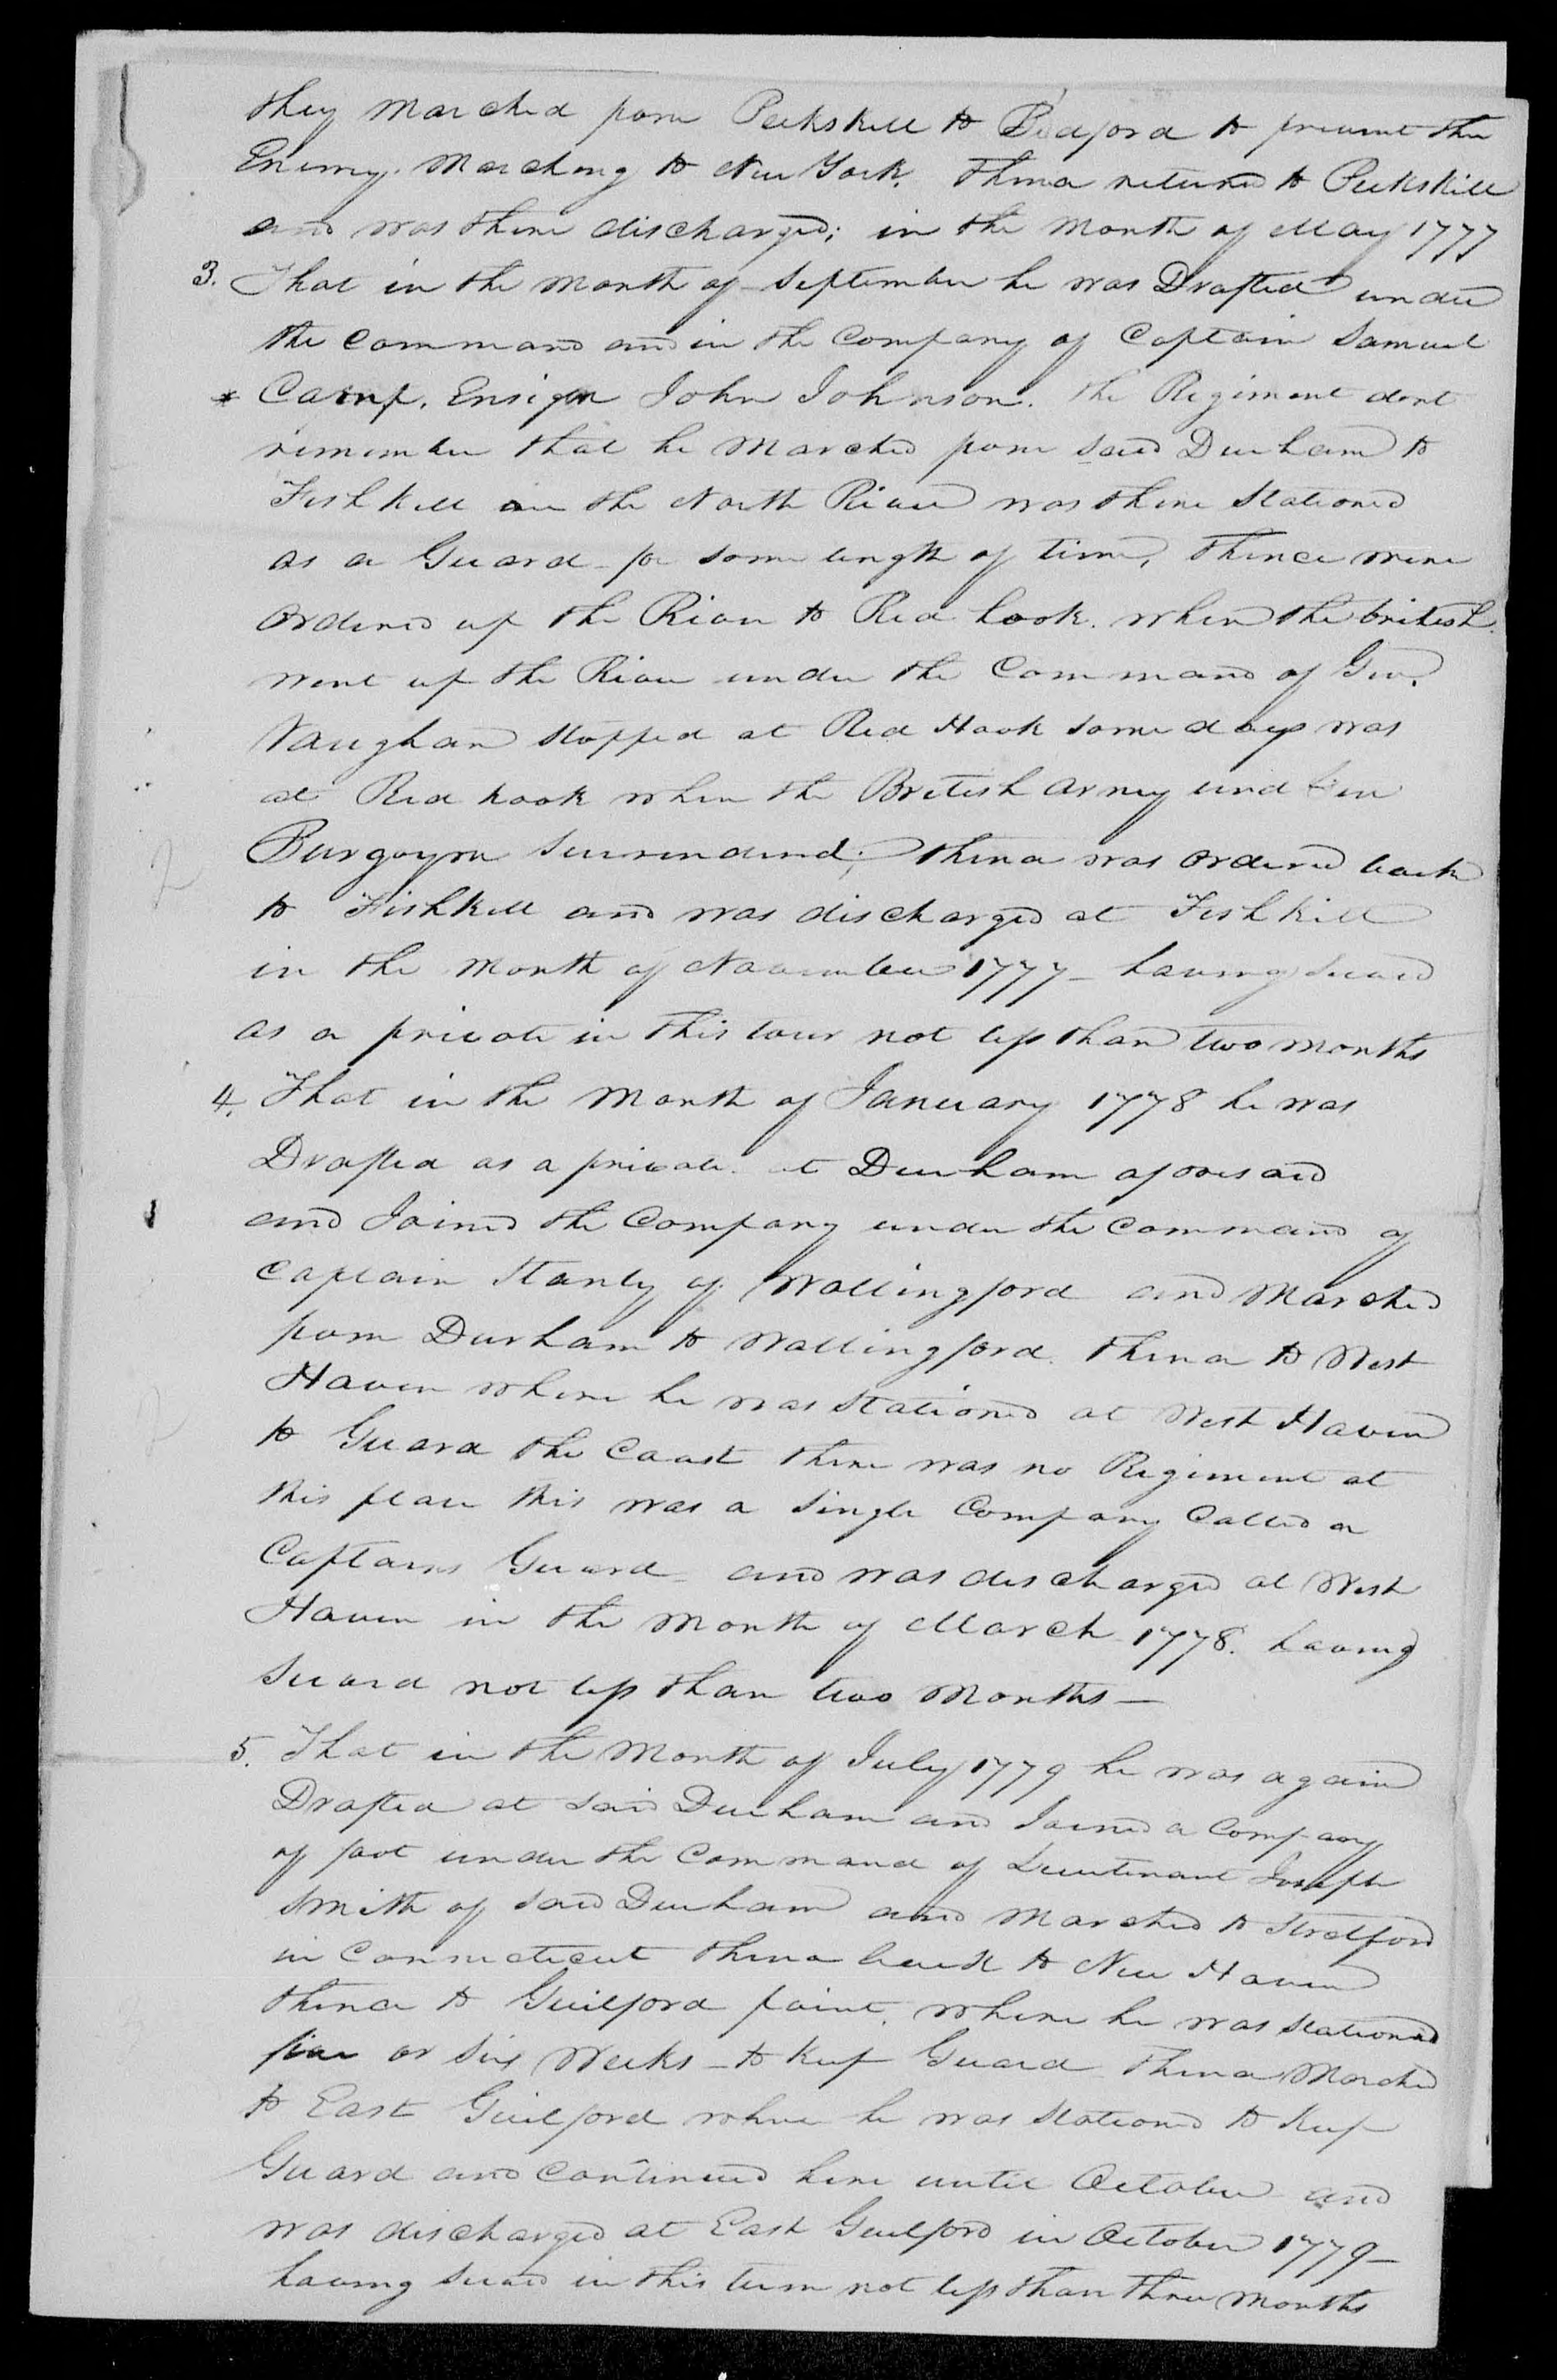they marched from Peekskill to Bedford to prevent the Enemy marching to New York. Then a return to Peekskill and was there discharged; in the month of May 1777
3. That in the month of September he was drafted under the Command and in the Company of Captain Samuel Camp, Ensign John Johnson. The Regiment dont remember that he marched from said Dunham to Fishkill on the North River was there stationed as a Guard for some length of time, thence mens ordered up the River to Red hook. when the british went up the River under the command of Gen. Vaughan stopped at Red Hook some days was at Red hook when the British army and Gen Burgoyne surrendered. then a was ordered back to Fishkill and was discharged at Fishkill in the month of November 1777 having served as a private in this war not less than two months
4.That in the month of January 1778 he was drafted as a private at Dunham aforesaid and joined the Company under the Command of Captain Stanly of Wallingford and marched from Durham to Wallingford. then on to West Haven where he was stationed at West Haven to Guard the Coast there was no Regiment at this place this was a single Company called a Captains Guard and was discharged at West Haven in the month of March 1778 having served no less than two months.
5. That in the month of July 1779 he was again drafted at said Dunham and joined a Company a pvt under the Command of Lieutenant Joseph Smith of said Dunham and marched to Stratford in Connecticut then a hark? to New Haven thence to Guilford Point  where he was stationed five or six weeks to keep Guard then a march to East Guilford where he was stationed to keep Guard and continued here until October and was discharged at East Guilford in October 1779 having served in this term not less than three months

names: Samuel Camp, Stanly, Burgoyne, Joseph Smith, John Johnson, Vaughan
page: 70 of 76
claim: widow's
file: W. 5,250, Timothy Coe, Conn.